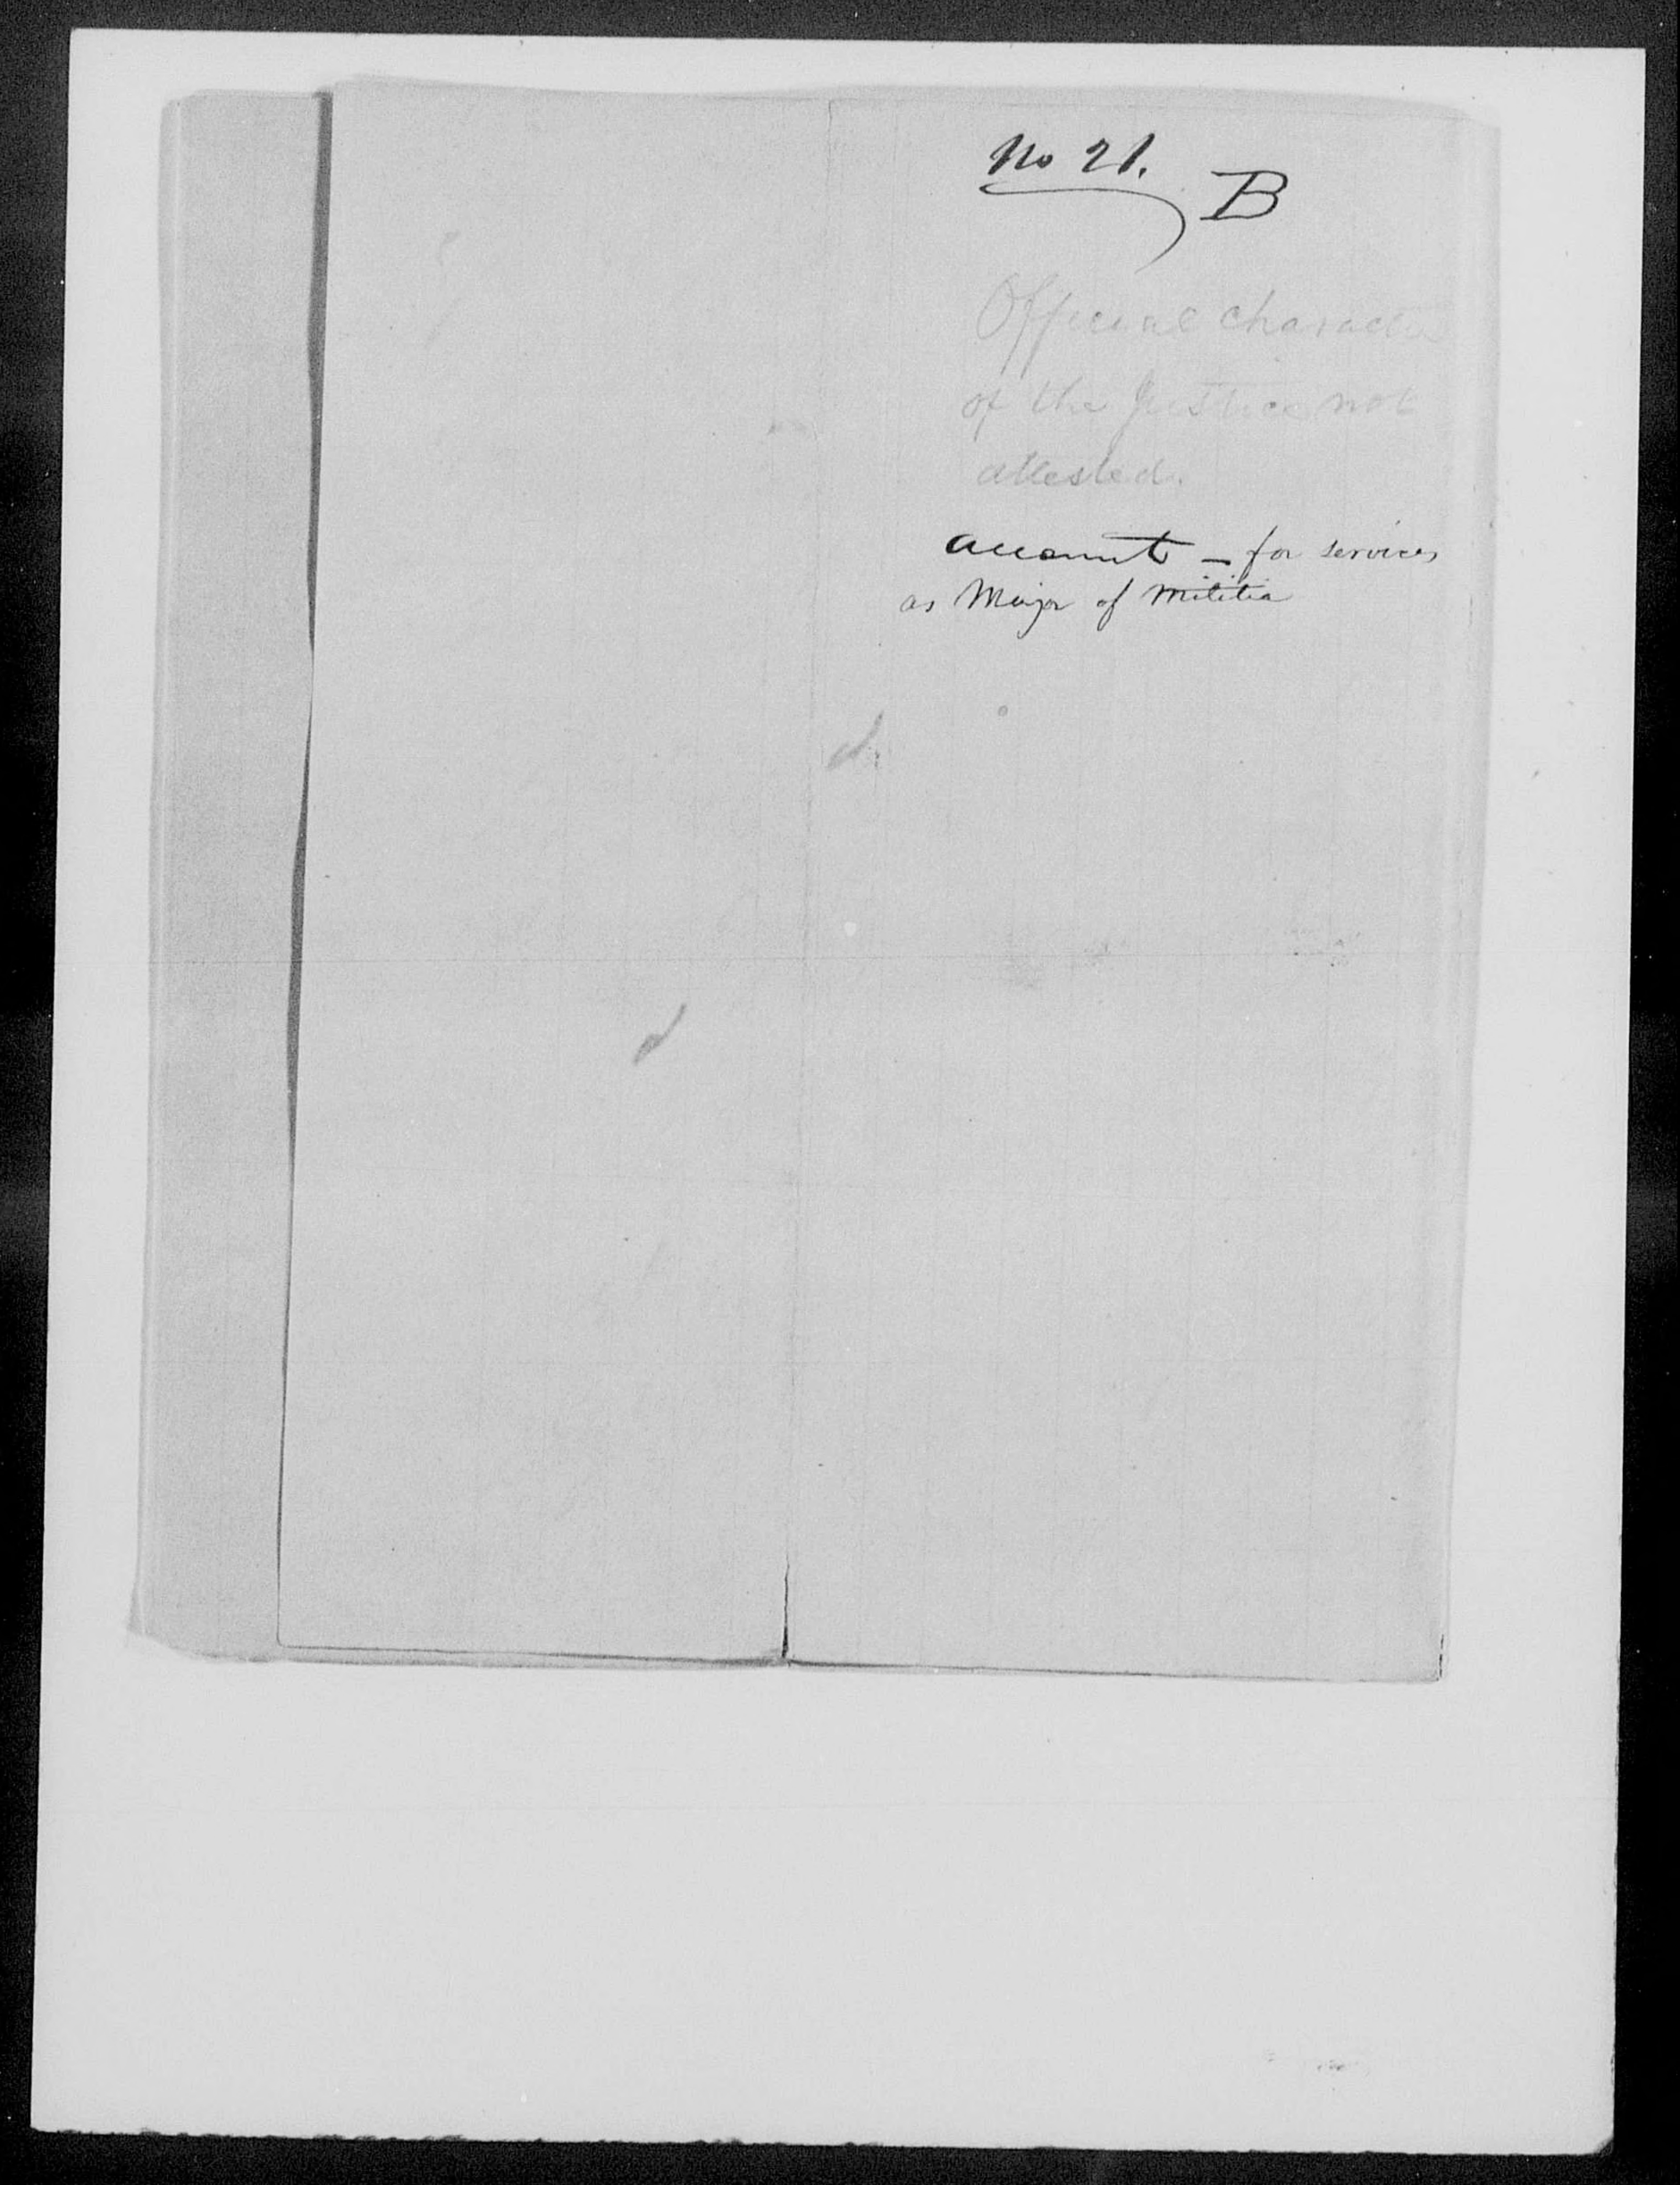No 21.     B

Official character of the Justice not attested

Account __ for services as Major of Militia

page: 213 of 267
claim: widow's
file: W. 4,149, William Campbell, Va.